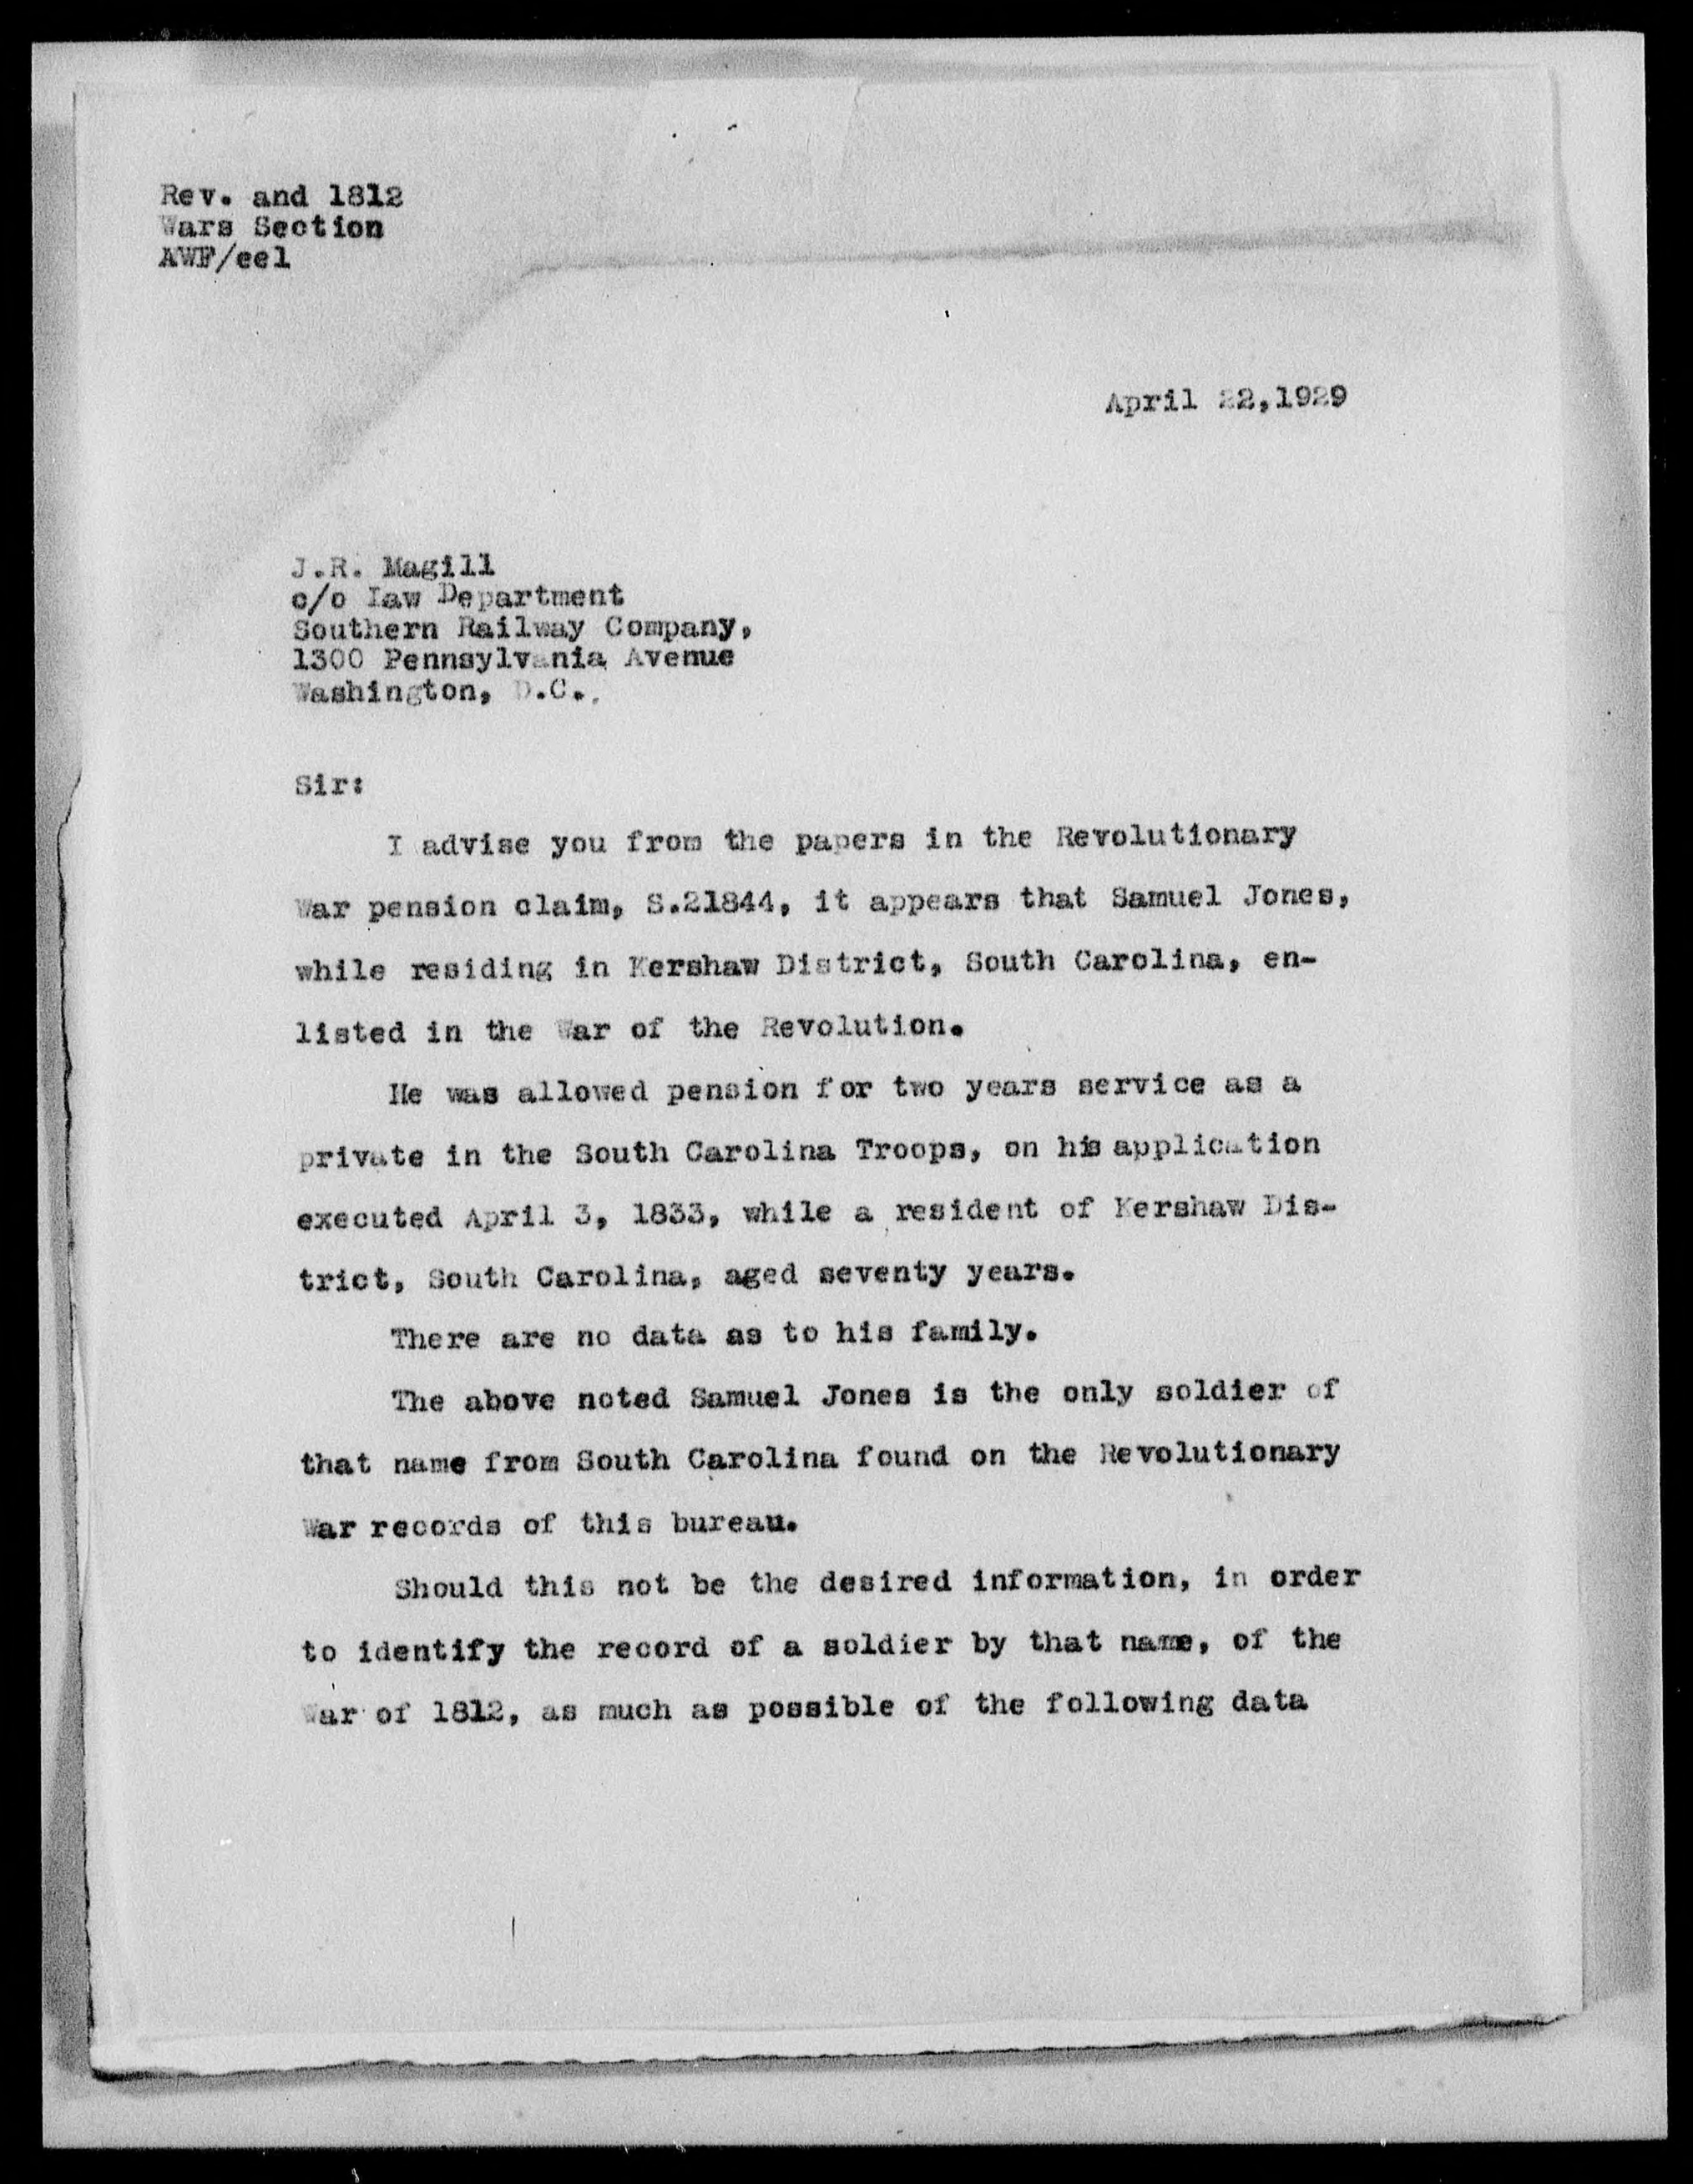April 22, 1929
J. R. Magill 
c/o Law Department 
Southern Railway Company, 
1300 Pennsylvania Avenue 
Washington, D.C.,
Sir:   I advise you from the papers in the Revolutionary War pension claim, S.21844, it appears that Samuel Jones, while residing in Kershaw District, South Carolina, listed in the War of the Revolution. He was allowed pension for two years service as a private in the South Carolina Troops, on his application executed April 3, 1833, while a resident of Kershaw District, South Carolina, aged seventy years. There are no data as to his family. The above noted Samuel Jones is the only soldier of that name from South Carolina found on the Revolutionary War records of this bureau. Should this not be the desired information, in order to identify the record of a soldier by that name, of the War of 1812, as much as possible of the following data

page: 26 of 28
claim: survivor's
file: S. 21844, for Samuel Jones, South Carolina